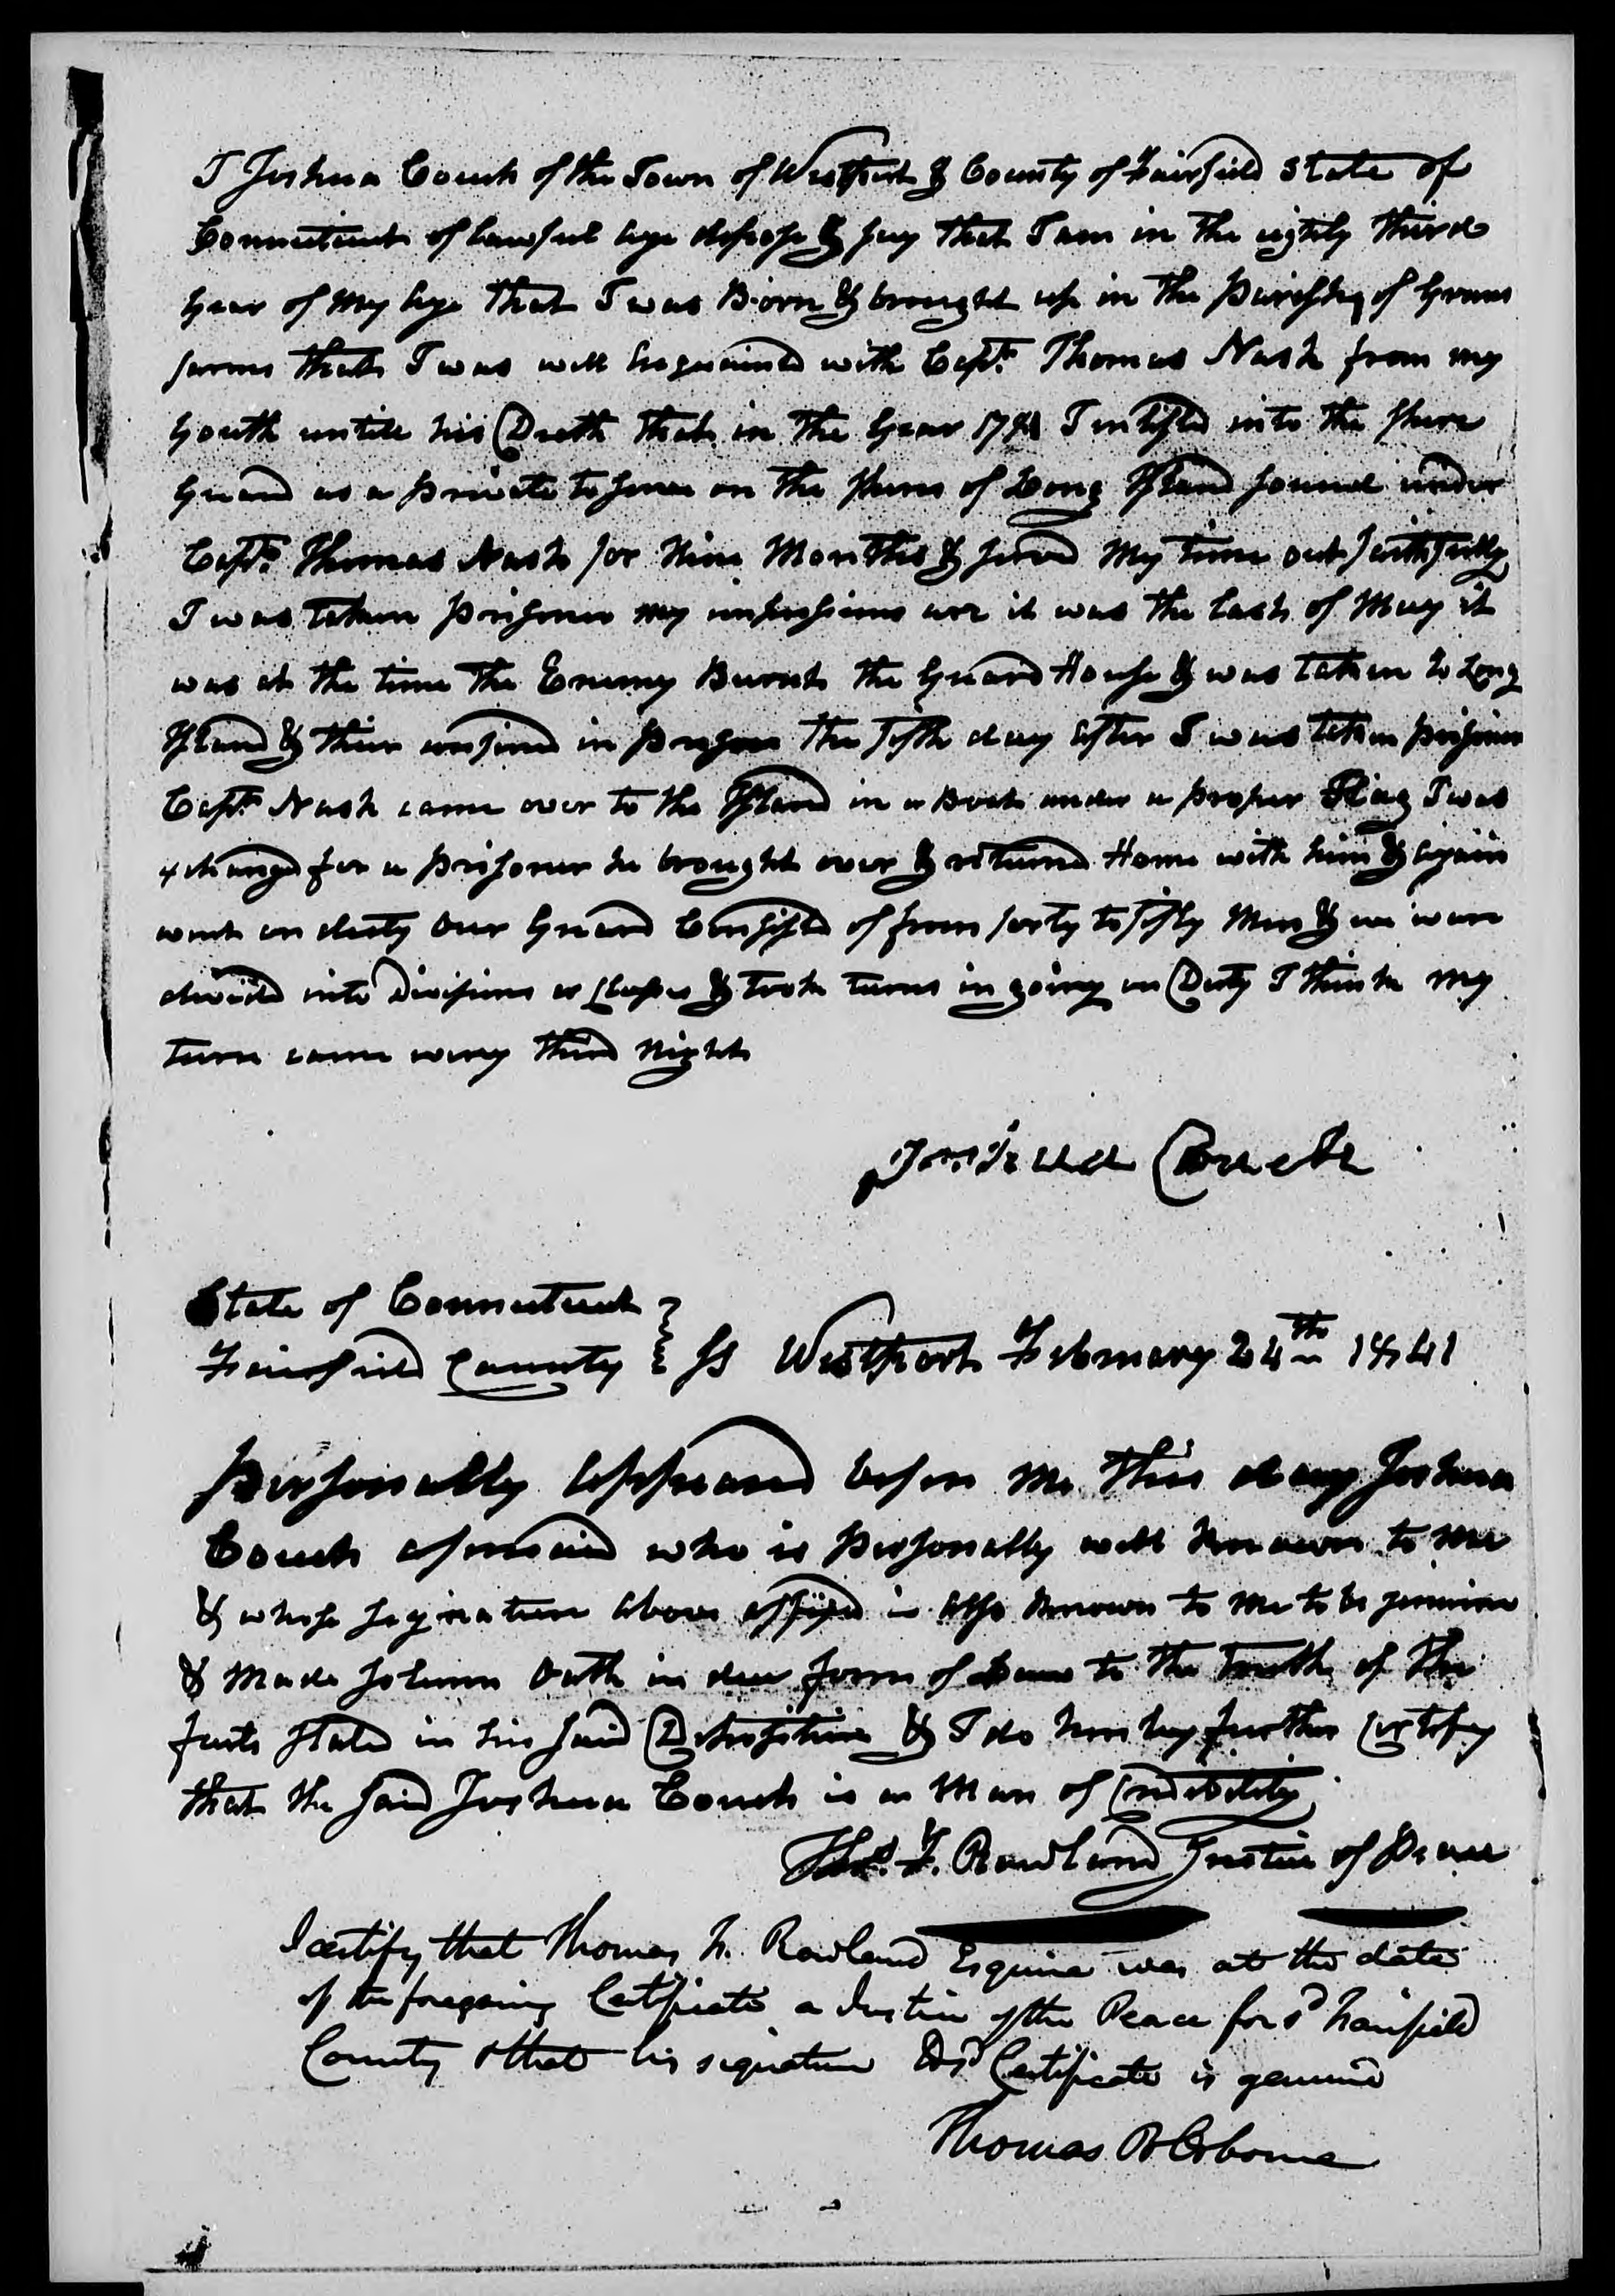I Joshua Couch of the town of Westport County of Fairfield state of Connecticut of lawful age [illegible] [illegible] that I am in the eighty third year of my life that I was born and brought up in the [illegible] of [illegible] farms that I was with [illegible] with Capt. Thomas Nash from my youth until his Death that in the year 1741[illegible] into the [illegible] guard as a private to [illegible] on the [illegible] of [illegible] [illegible] found under Capt. Thomas Nash for nine months and serve my time out faithfully I was taken prisoner my [illegible] [illegible] it was the last of May it was at the time the Enemy [illegible] the guard [illegible] I was taken to Long Island NY this was [illegible] in progress the fifth day after I was taken as prisoner. Capt. Nash came over to the [illegible] in a boat under a proper [illegible] I was [illegible] for a prisoner [illegible] brought over [illegible] Home with him again went in [illegible] our Guard benefits of from forty to fifty men and we were divided into divisions [illegible] and took turns in going on duty I think my turn came [illegible] this night Joshua Couch

State of Connecticut
Fairfield County JS Westport February 24th 1841
Personally appeared before me this day Joshua Couch of  [illegible] who is personally with known to me and whose signature above affixed is also known to me to be genuine and made solemn oath in due [illegible] of [illegible] to the [illegible] of this [illegible] state in his said and [illegible] and I do hereby further certify that the said Joshua Couch is a man of nobility. Thos. F. Rowland Justice of Peace
I certify that Thomas F. Rowland Esquire was at the date of the foregoing certificate a Justice of the Peace for Fairfield County and that his signature DP Certificate is genuine Thomas B. Osborne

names: Thomas F Rowland, Nash, Joshua Couch, Thos F Rowland, Thomas B Osborne, Joshua Couch, Joshua Couch, Thomas Nash, Joshua Couch, Thomas Nash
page: 27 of 69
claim: widow's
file: W. 25562, Abijah Elwood, Conn.